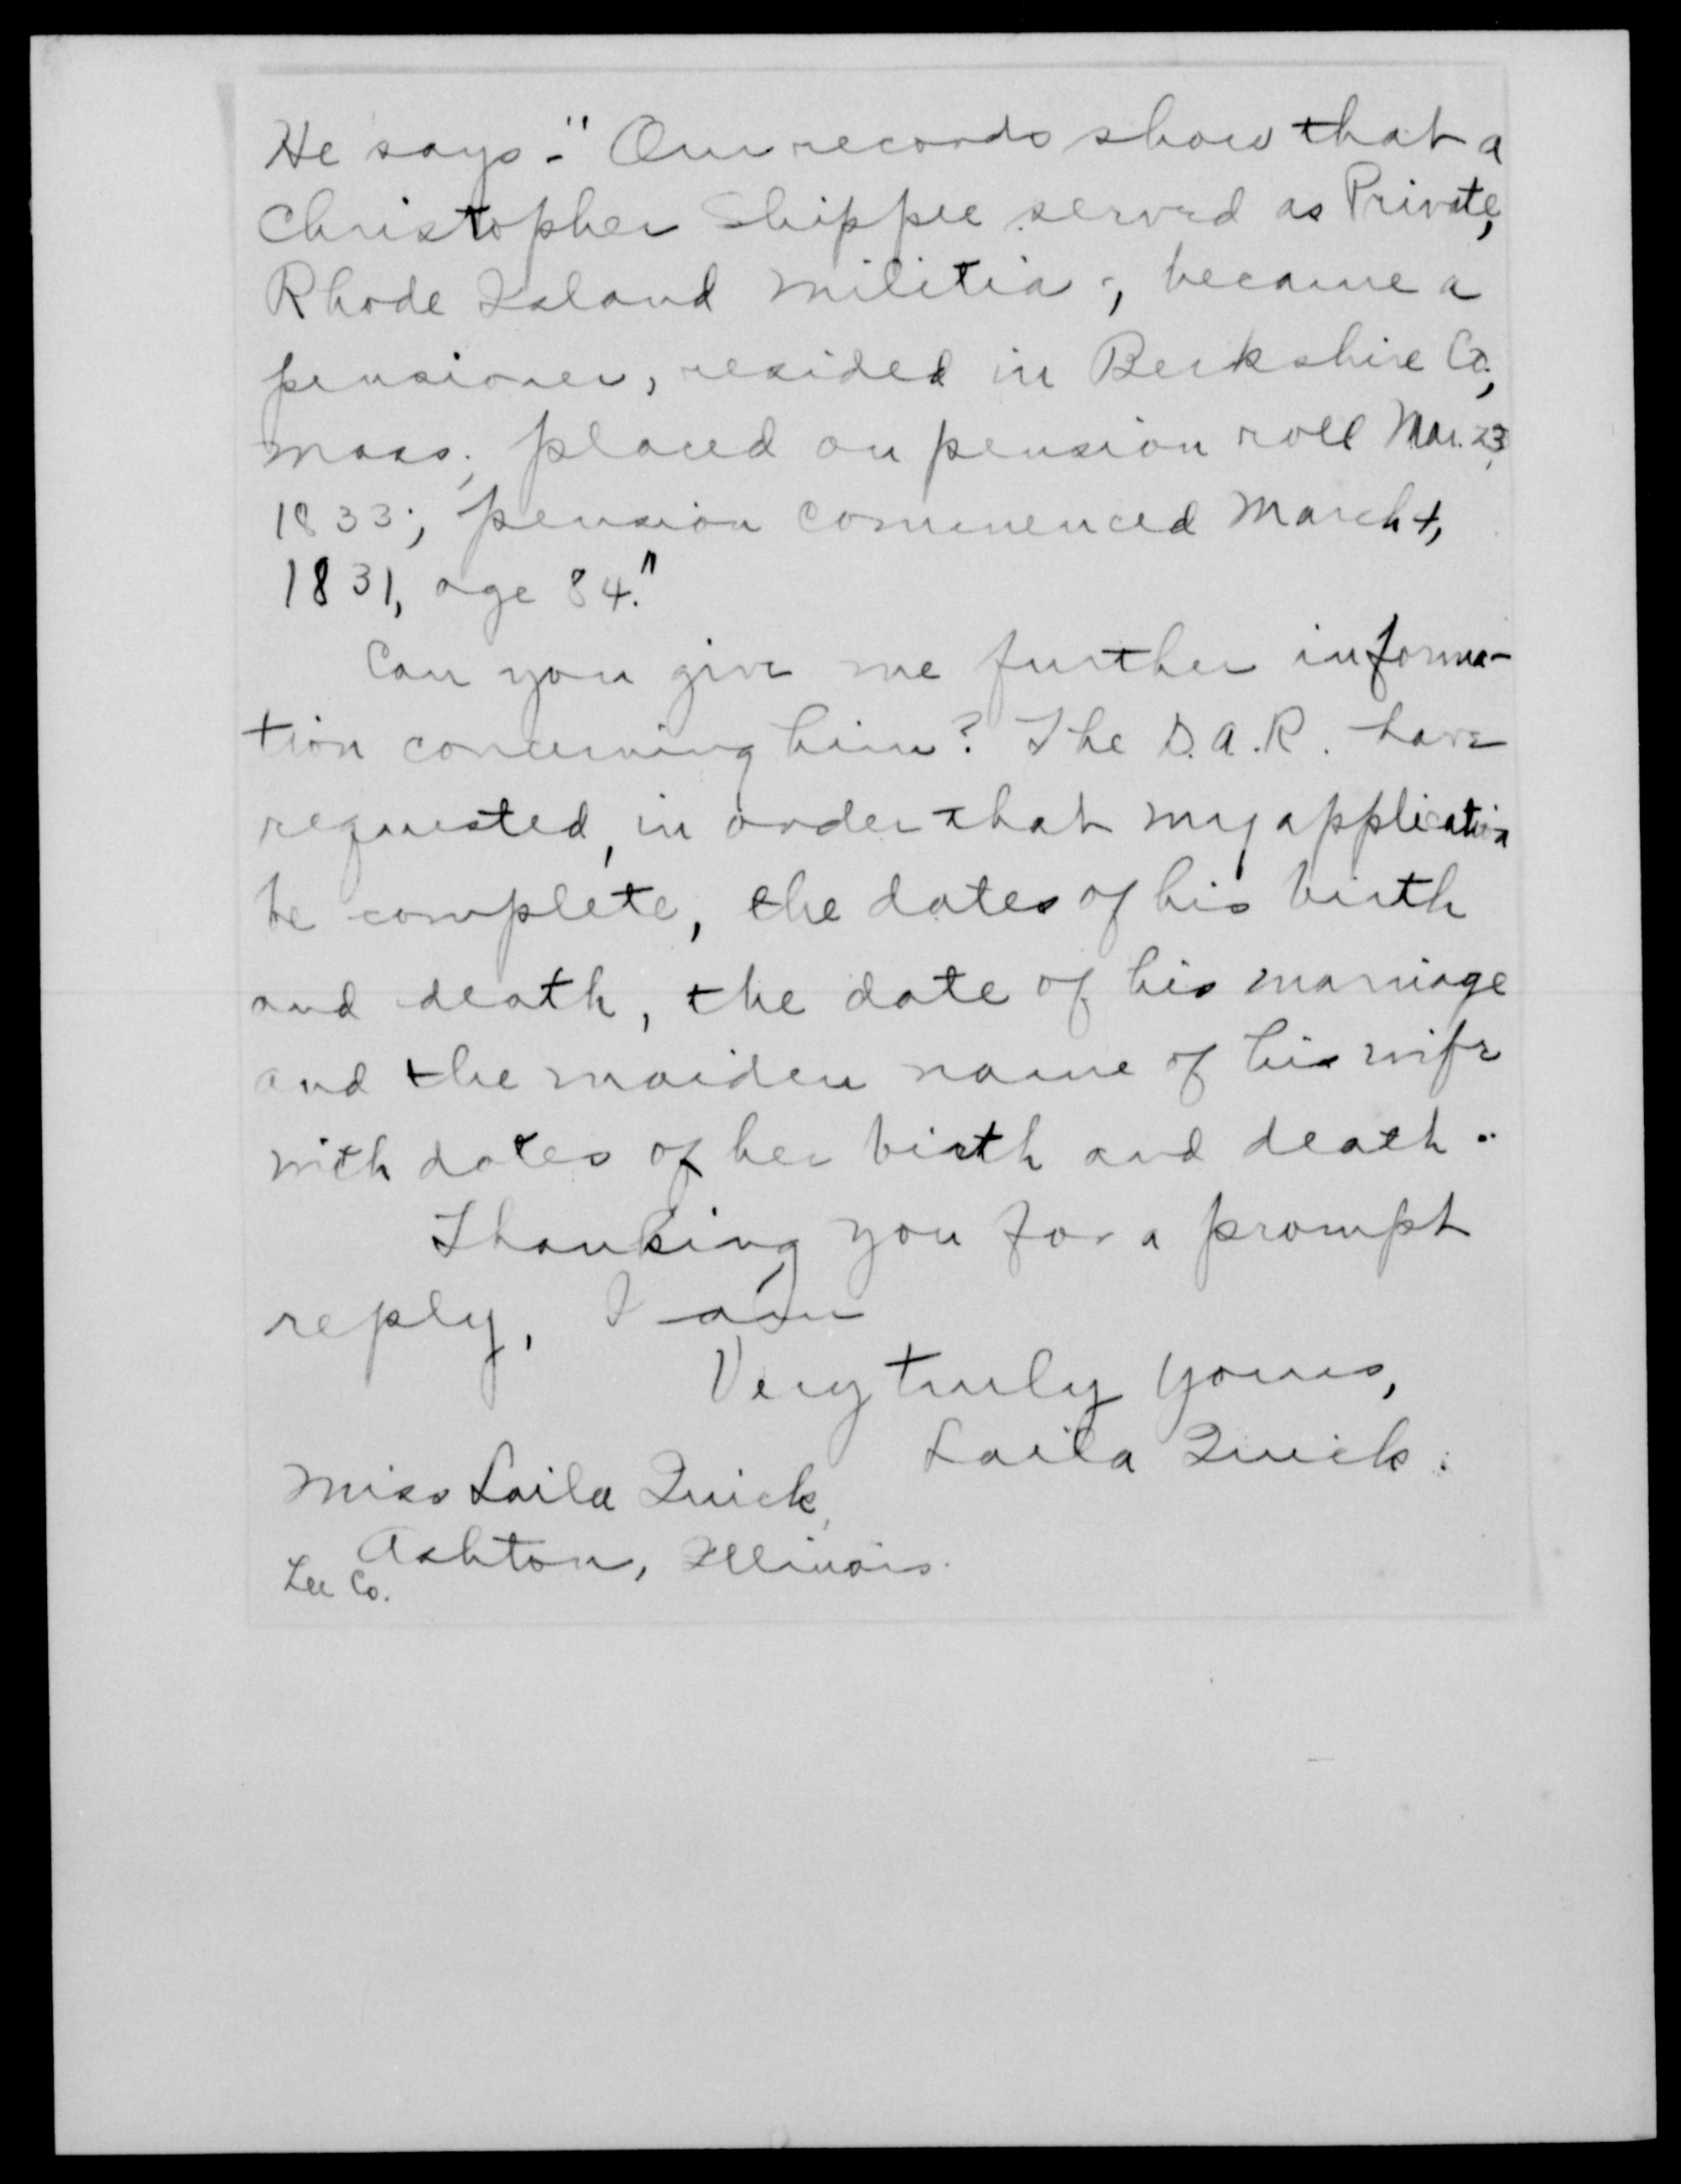He says. "Our records show that a
Christopher Shippee served as Private
Rhode Island Militia, became a
pensioner, resided in Berkshire Co, Mass, placed on pension roll Mar. 23 1833, pension commenced March 4 1831 age 84"
can you give me further information concerning him? T e D.A.R. have
requested, in order that my application be complete, the dates of his birth and death, the date of his marriage and the maiden name of his wife with dates of her birth and death.
Thanking you for a prompt reply.
I am
Very truly yours,
Laila Quick
Miss Laila Quick
Ashton, Illinois
Lee Co.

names: Laila Quick; Christopher Shippee; Laila Quick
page: 20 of 20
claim: survivor's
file: S. 30,698, for Christopher Shippee, Rhode Island